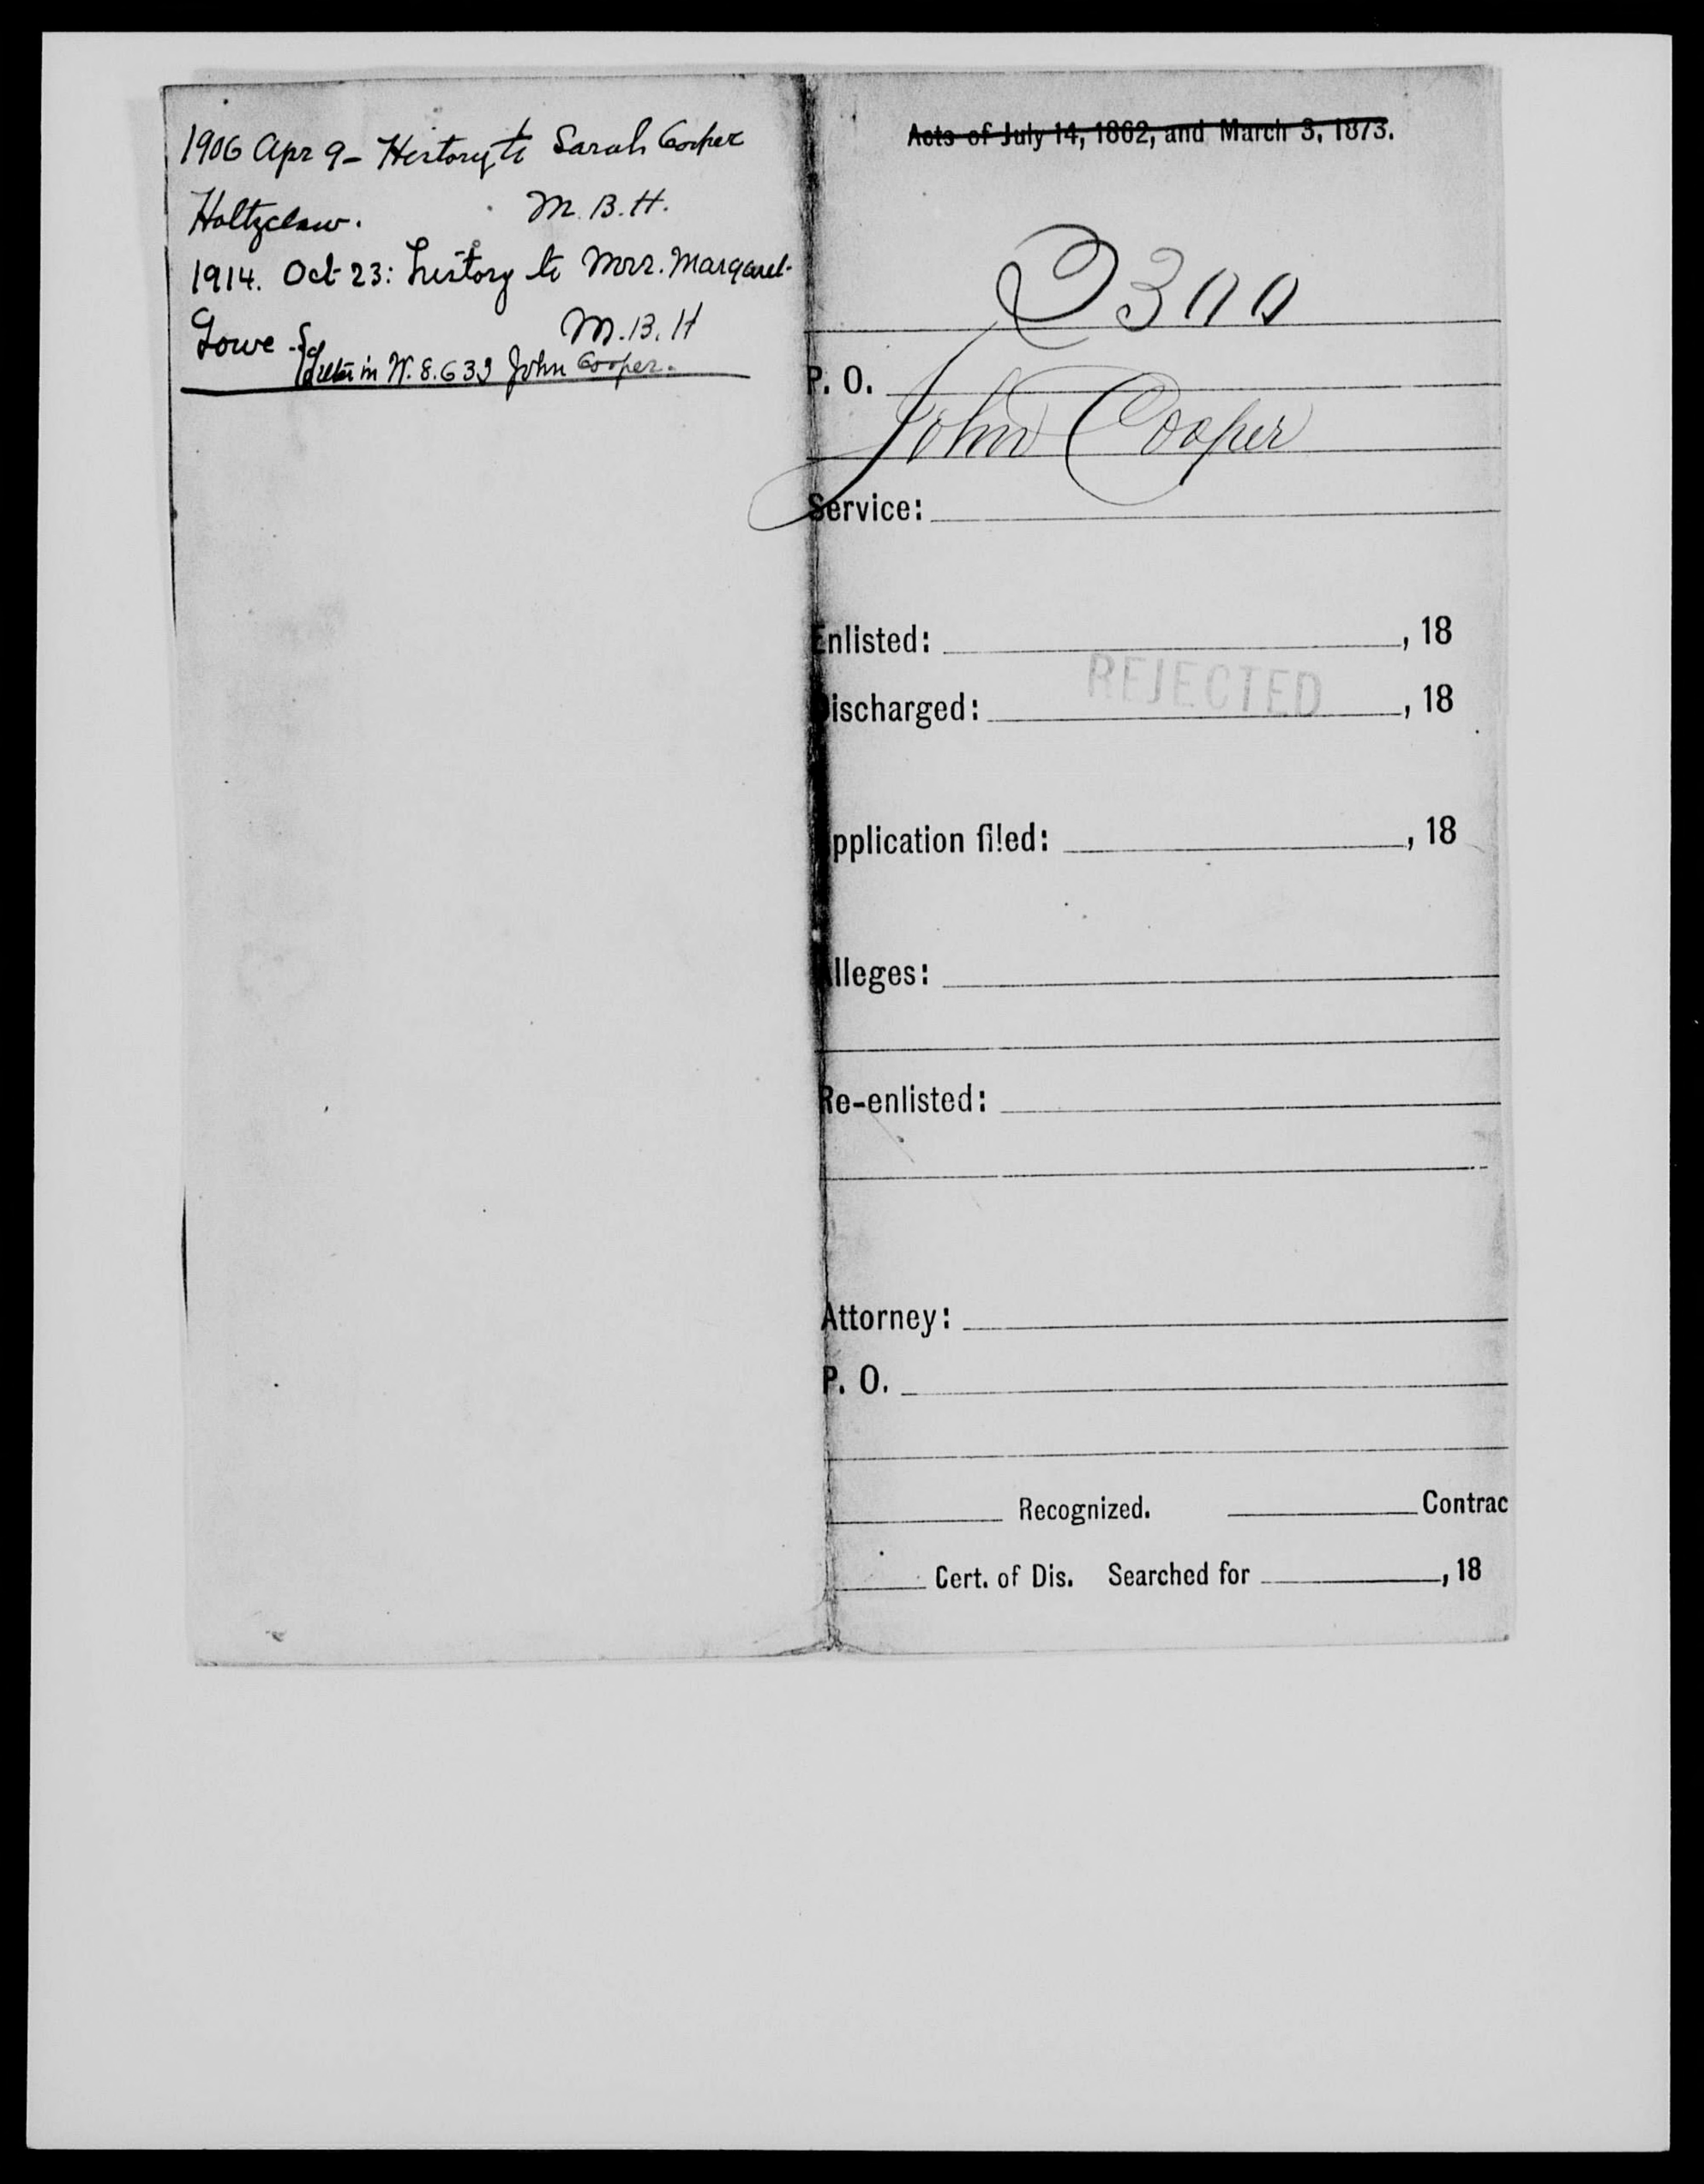1906 Apr 9 - History to Sarah Corper Holtzclaw. M.B.H.
1914 Oct 23: history to Mrs. Margaret Lowe
Letter in W. 8.G39 John Cooper
M.13.11

Acts of July 14, 1862, and March 3, 1873 [crossed out]

D300
P. O. ____
John Cooper
Service: ____

Enlisted: ____, 18
Discharged: Rejected, 18
Application filed: ____, 18
Alleges: ____
Re-enlisted: _____
Attorney: ___
P. O. _____
____ Recognized. _____Contrac
____Cert. of Dis. Searched for ____, 18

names: John Cooper, Sarah Cooper Holtzclaw, Margaret Lowe, John Cooper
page: 14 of 17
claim: rejected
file: R. 2,300, John Cooper, Va.